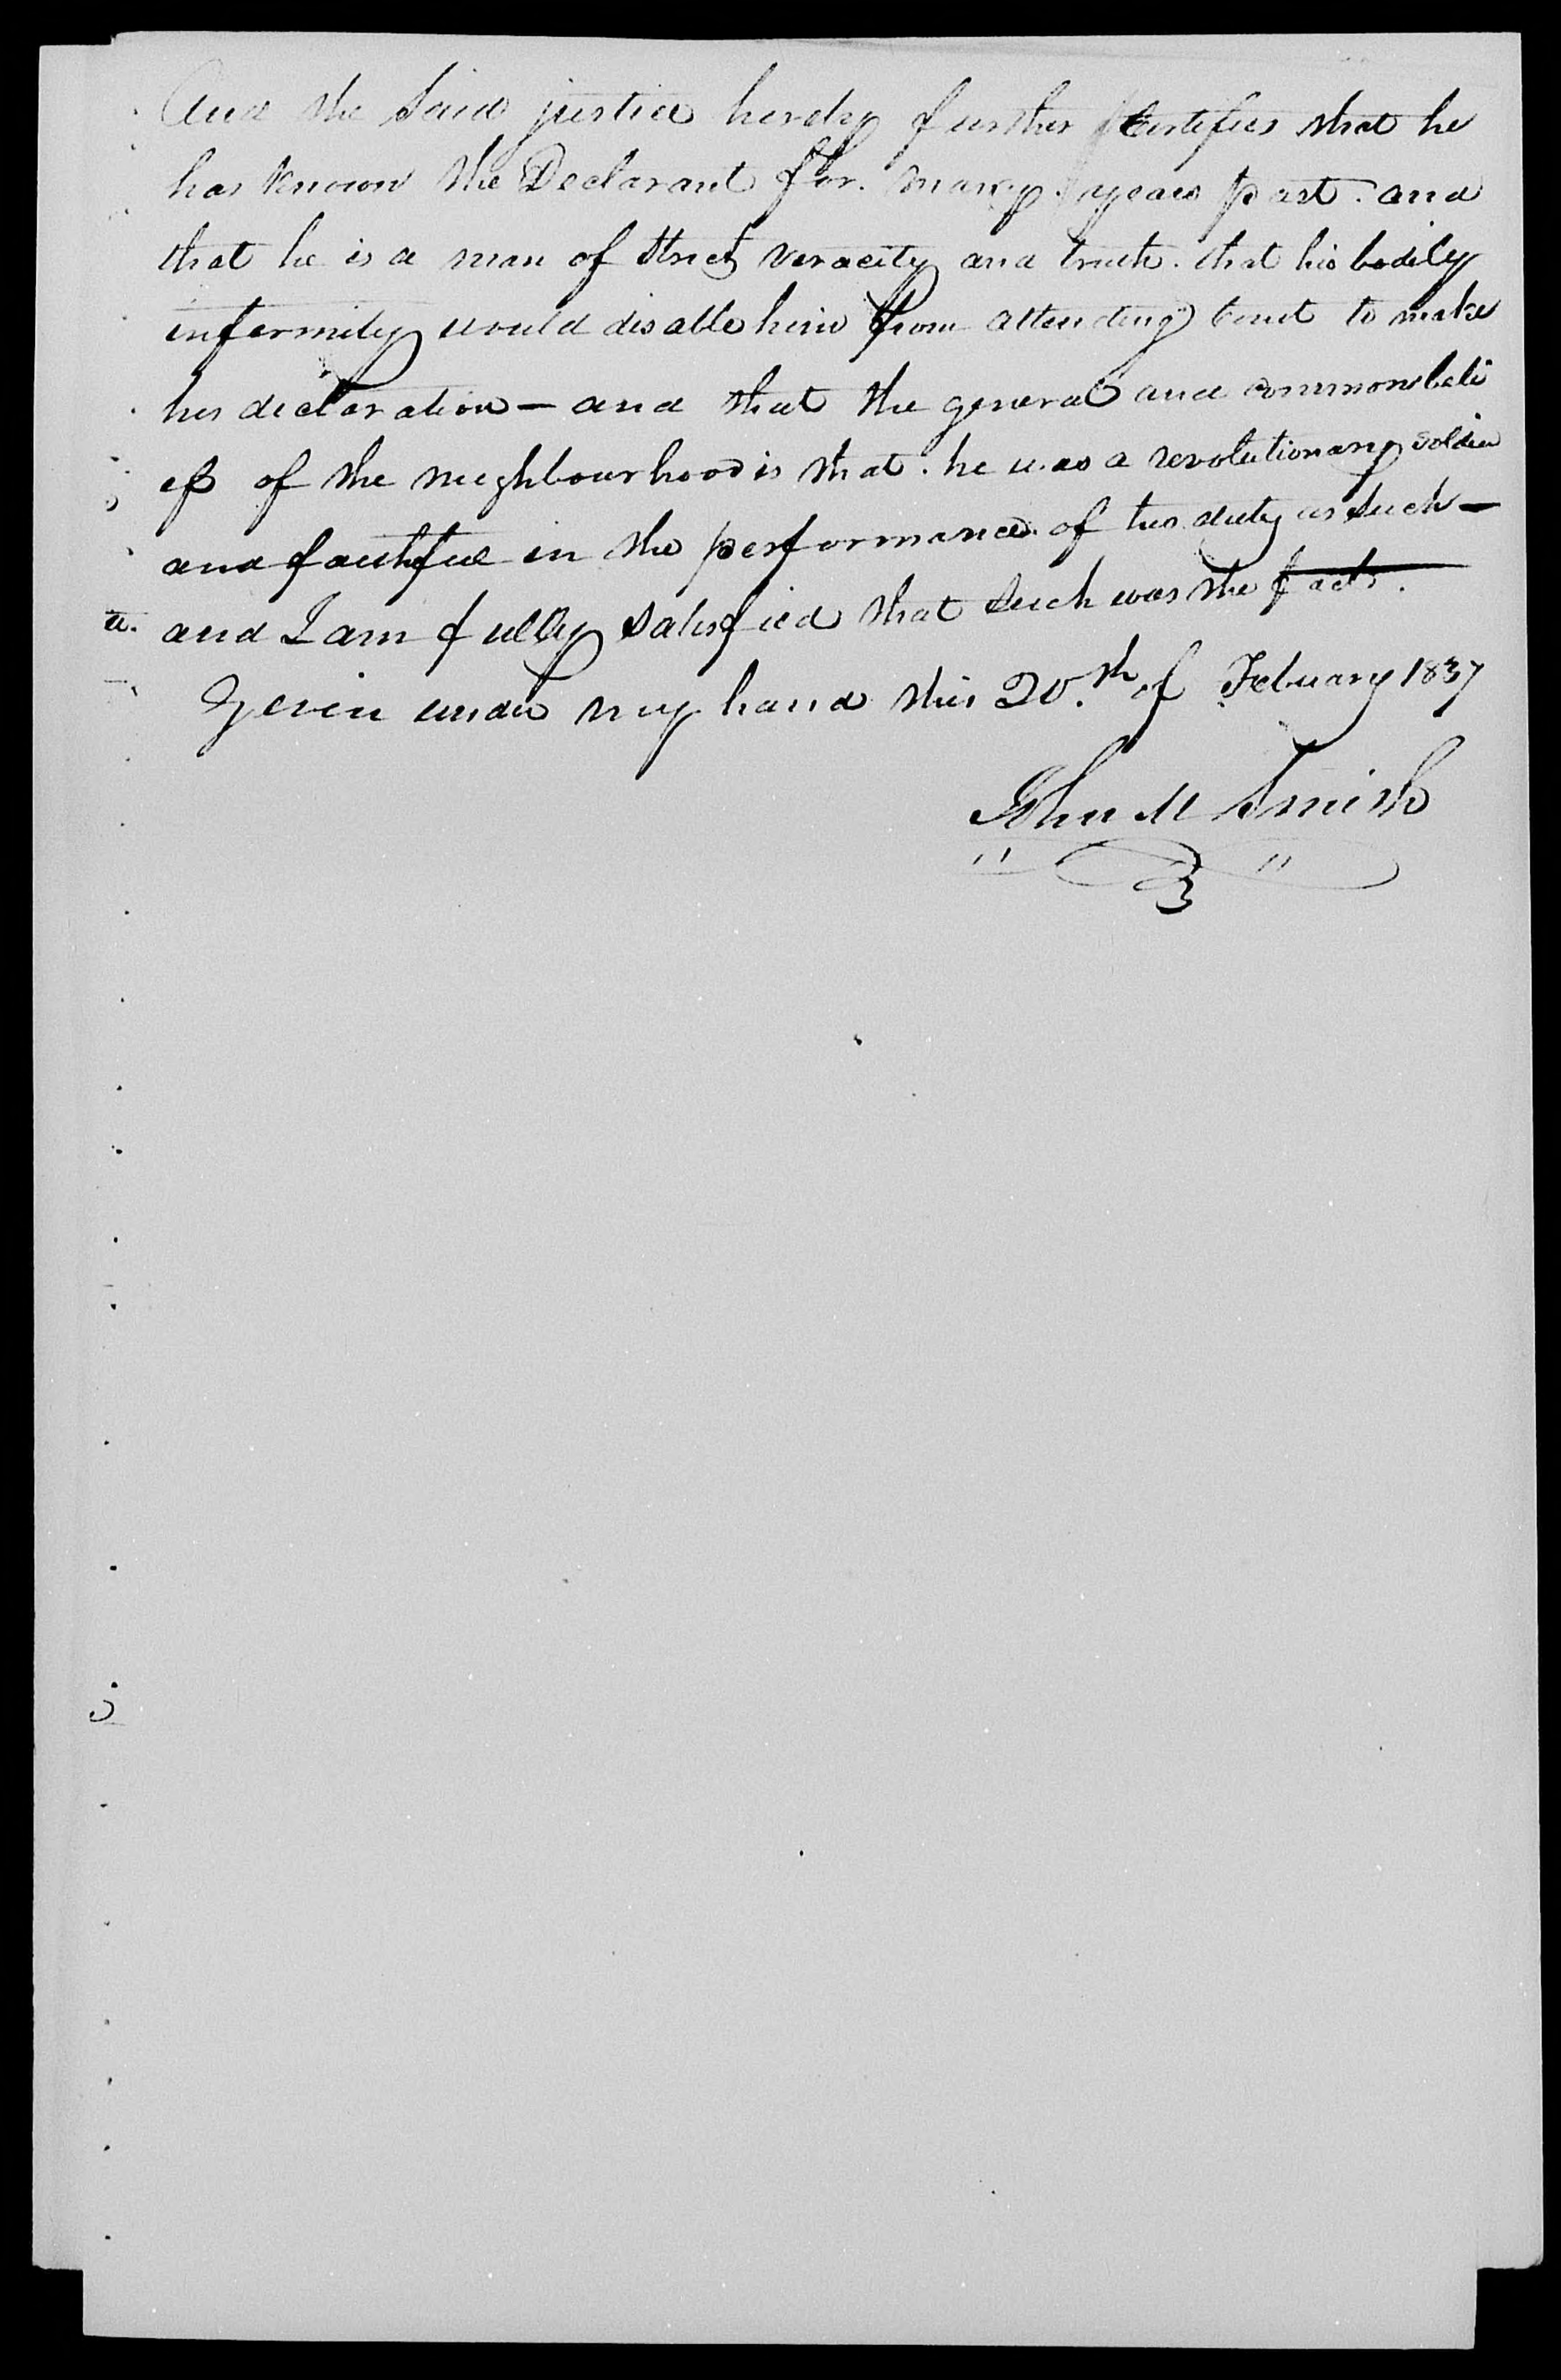And the Said justice hereby further certifies that he has known the Declarant for many years past and that he is a man of strict veracity and truth that his bodily infirmity would disable him from attending court to make his declaration -- and that the general and common belief of the neighborhood is that he was a revolutionary soldier and faithful in the performance of his duty as Such - and I am fully satisfied that such was the facts.
Given under my hand this 20th day of February 1837
John M. Smith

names: John M Smith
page: 19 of 21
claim: rejected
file: R. 2,896, Charles Duzua, French